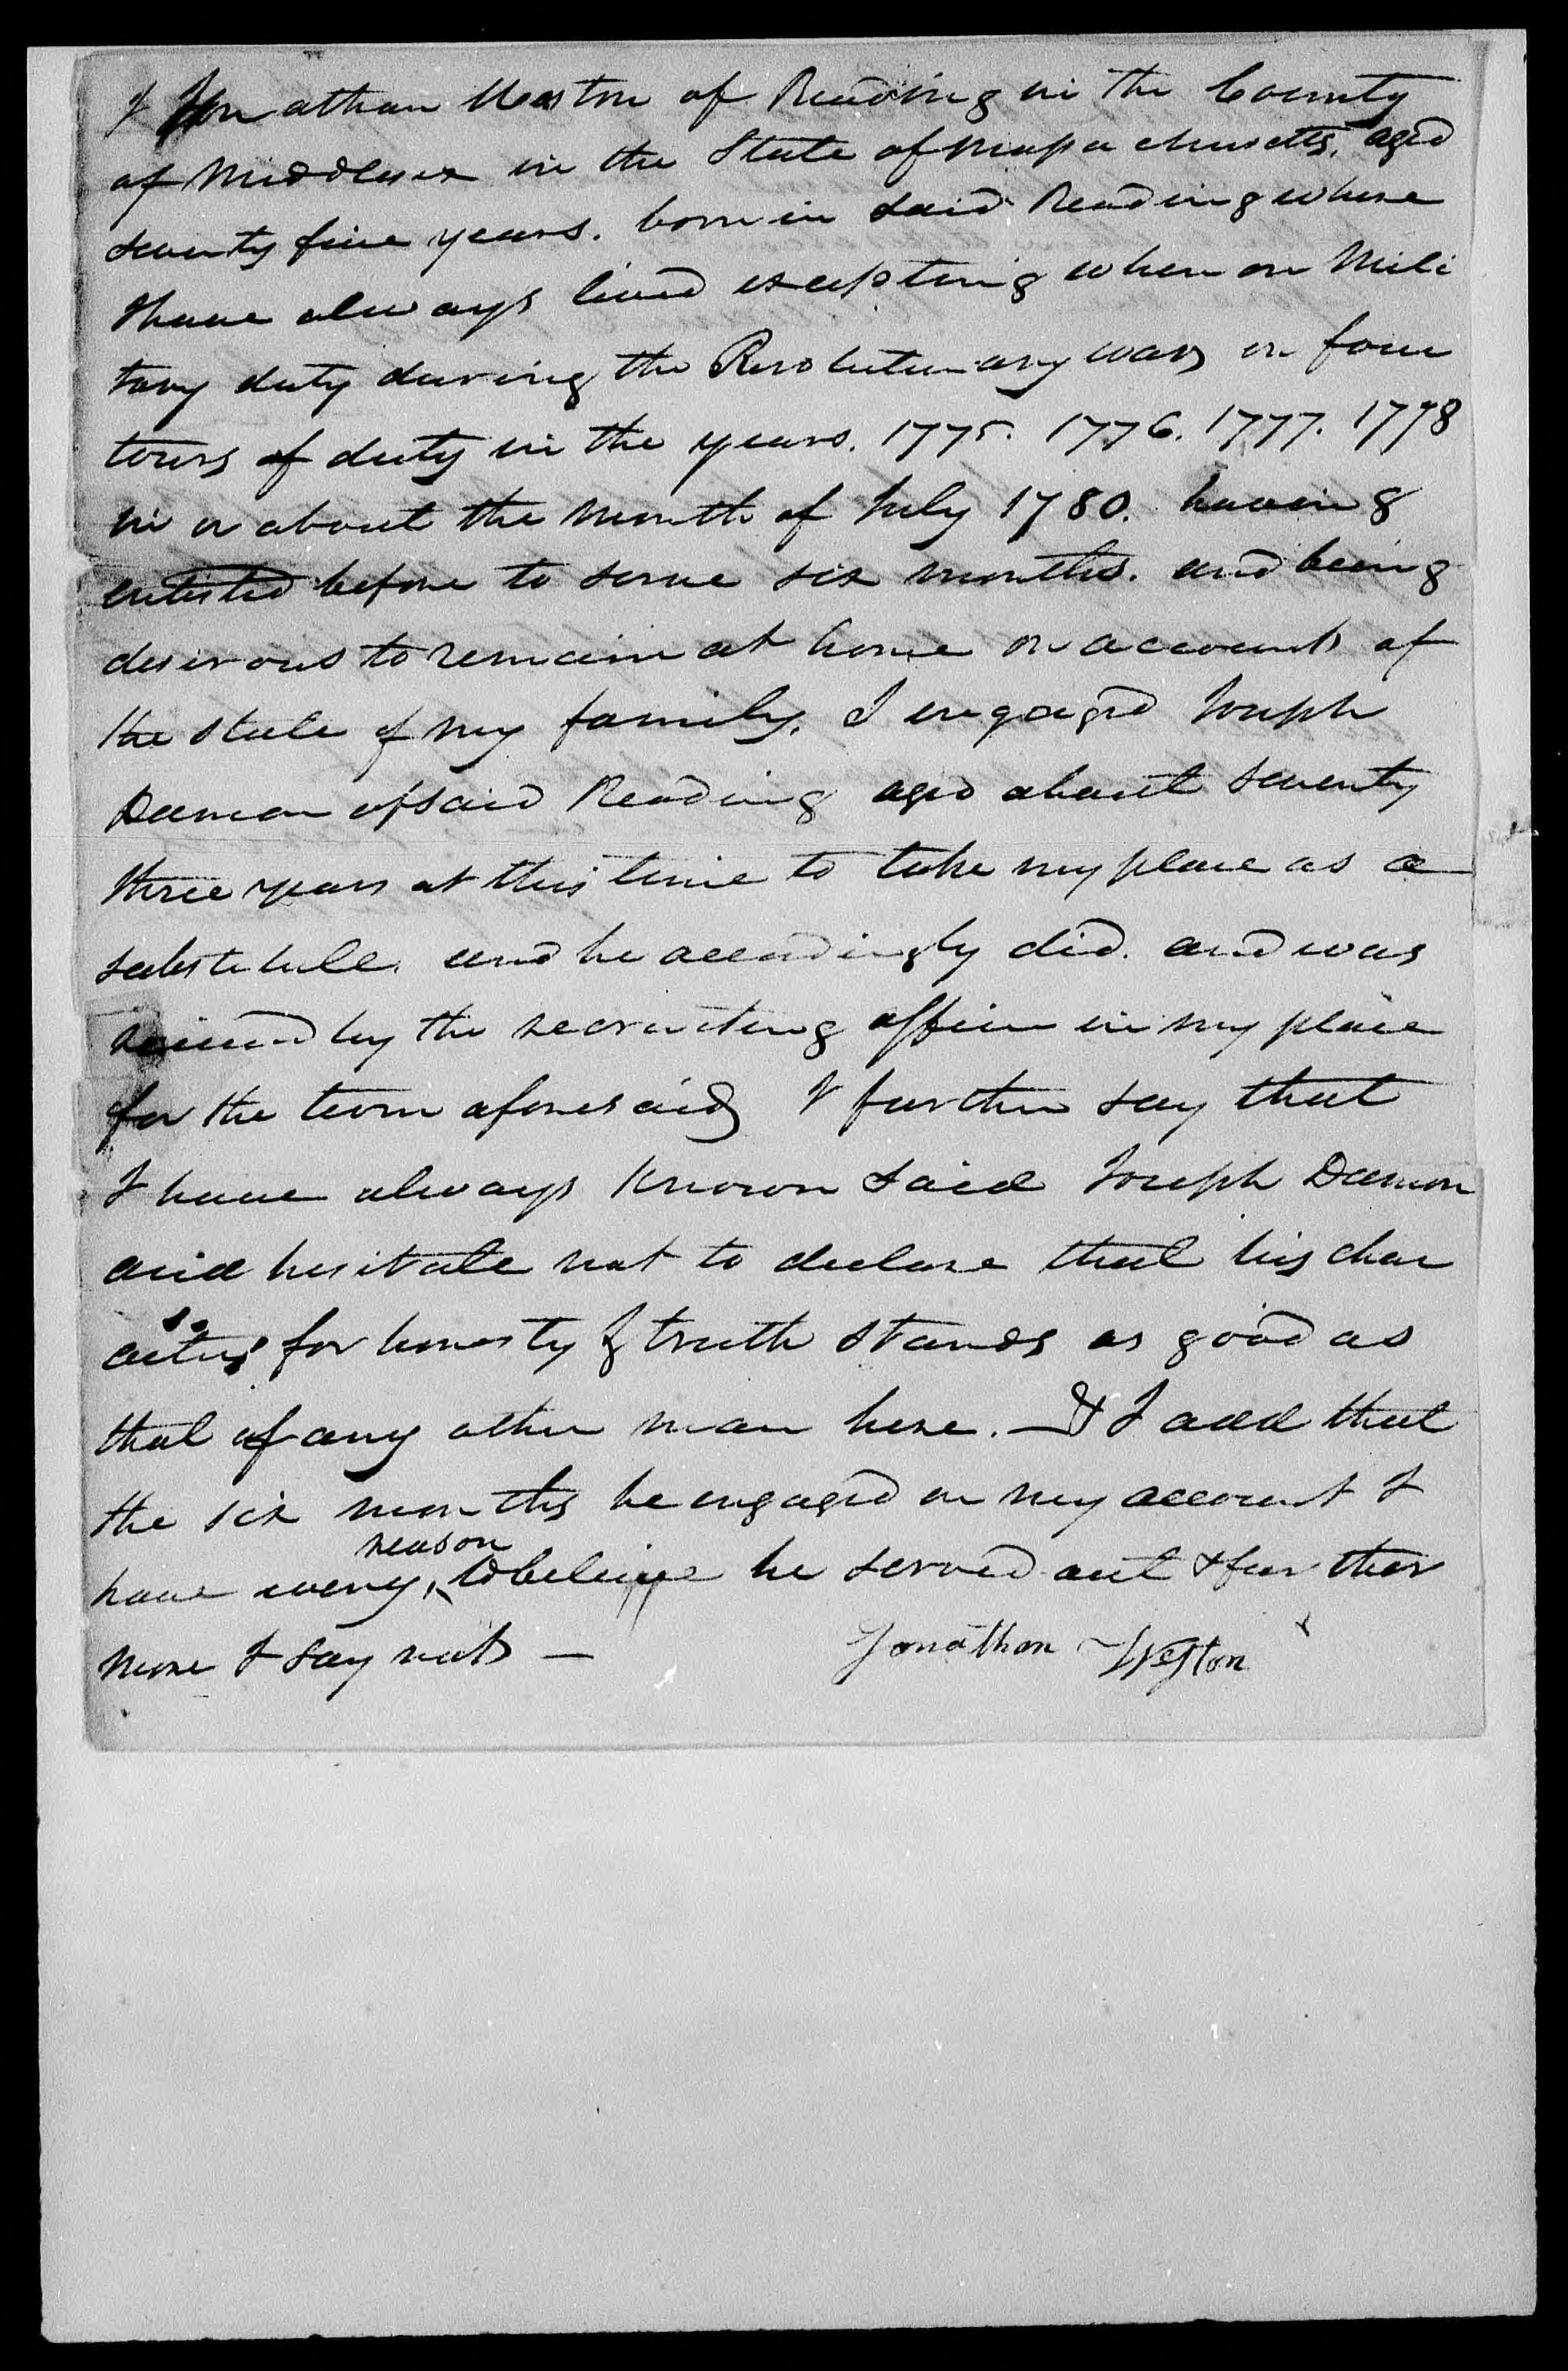I, Jonathan Weston of Reading in the County of Middlesex in the State of Massachusetts aged seventy five years. born in said Reading where I have always lived excepting when on Military duty during the Revolutionary war in four tours of duty in the years 1775, 1776, 1777, 1778. In about the month of July 1780, having enlisted before to serve six months and being desirous to remain at home on account of the state of my family. I engaged Joseph Damon of said Reading aged about seventy three years at this time to take my place as a substitute and he accordingly did. and was received by the recruiting officer in my place for the term aforesaid. I further say that I have always known said Joseph Damon and hesitate not to declare that his character for honesty & truth stand as good as that of any other man here. & I add that  the six months he engaged on my account & have every reason to believe he served out & further more I say not -
Jonathan Weston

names: Joseph Damon, Joseph Damon, Jonathan Weston, Jonathan Weston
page: 19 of 28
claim: survivor's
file: S. 17376, Joseph Damon, Continental Mass.